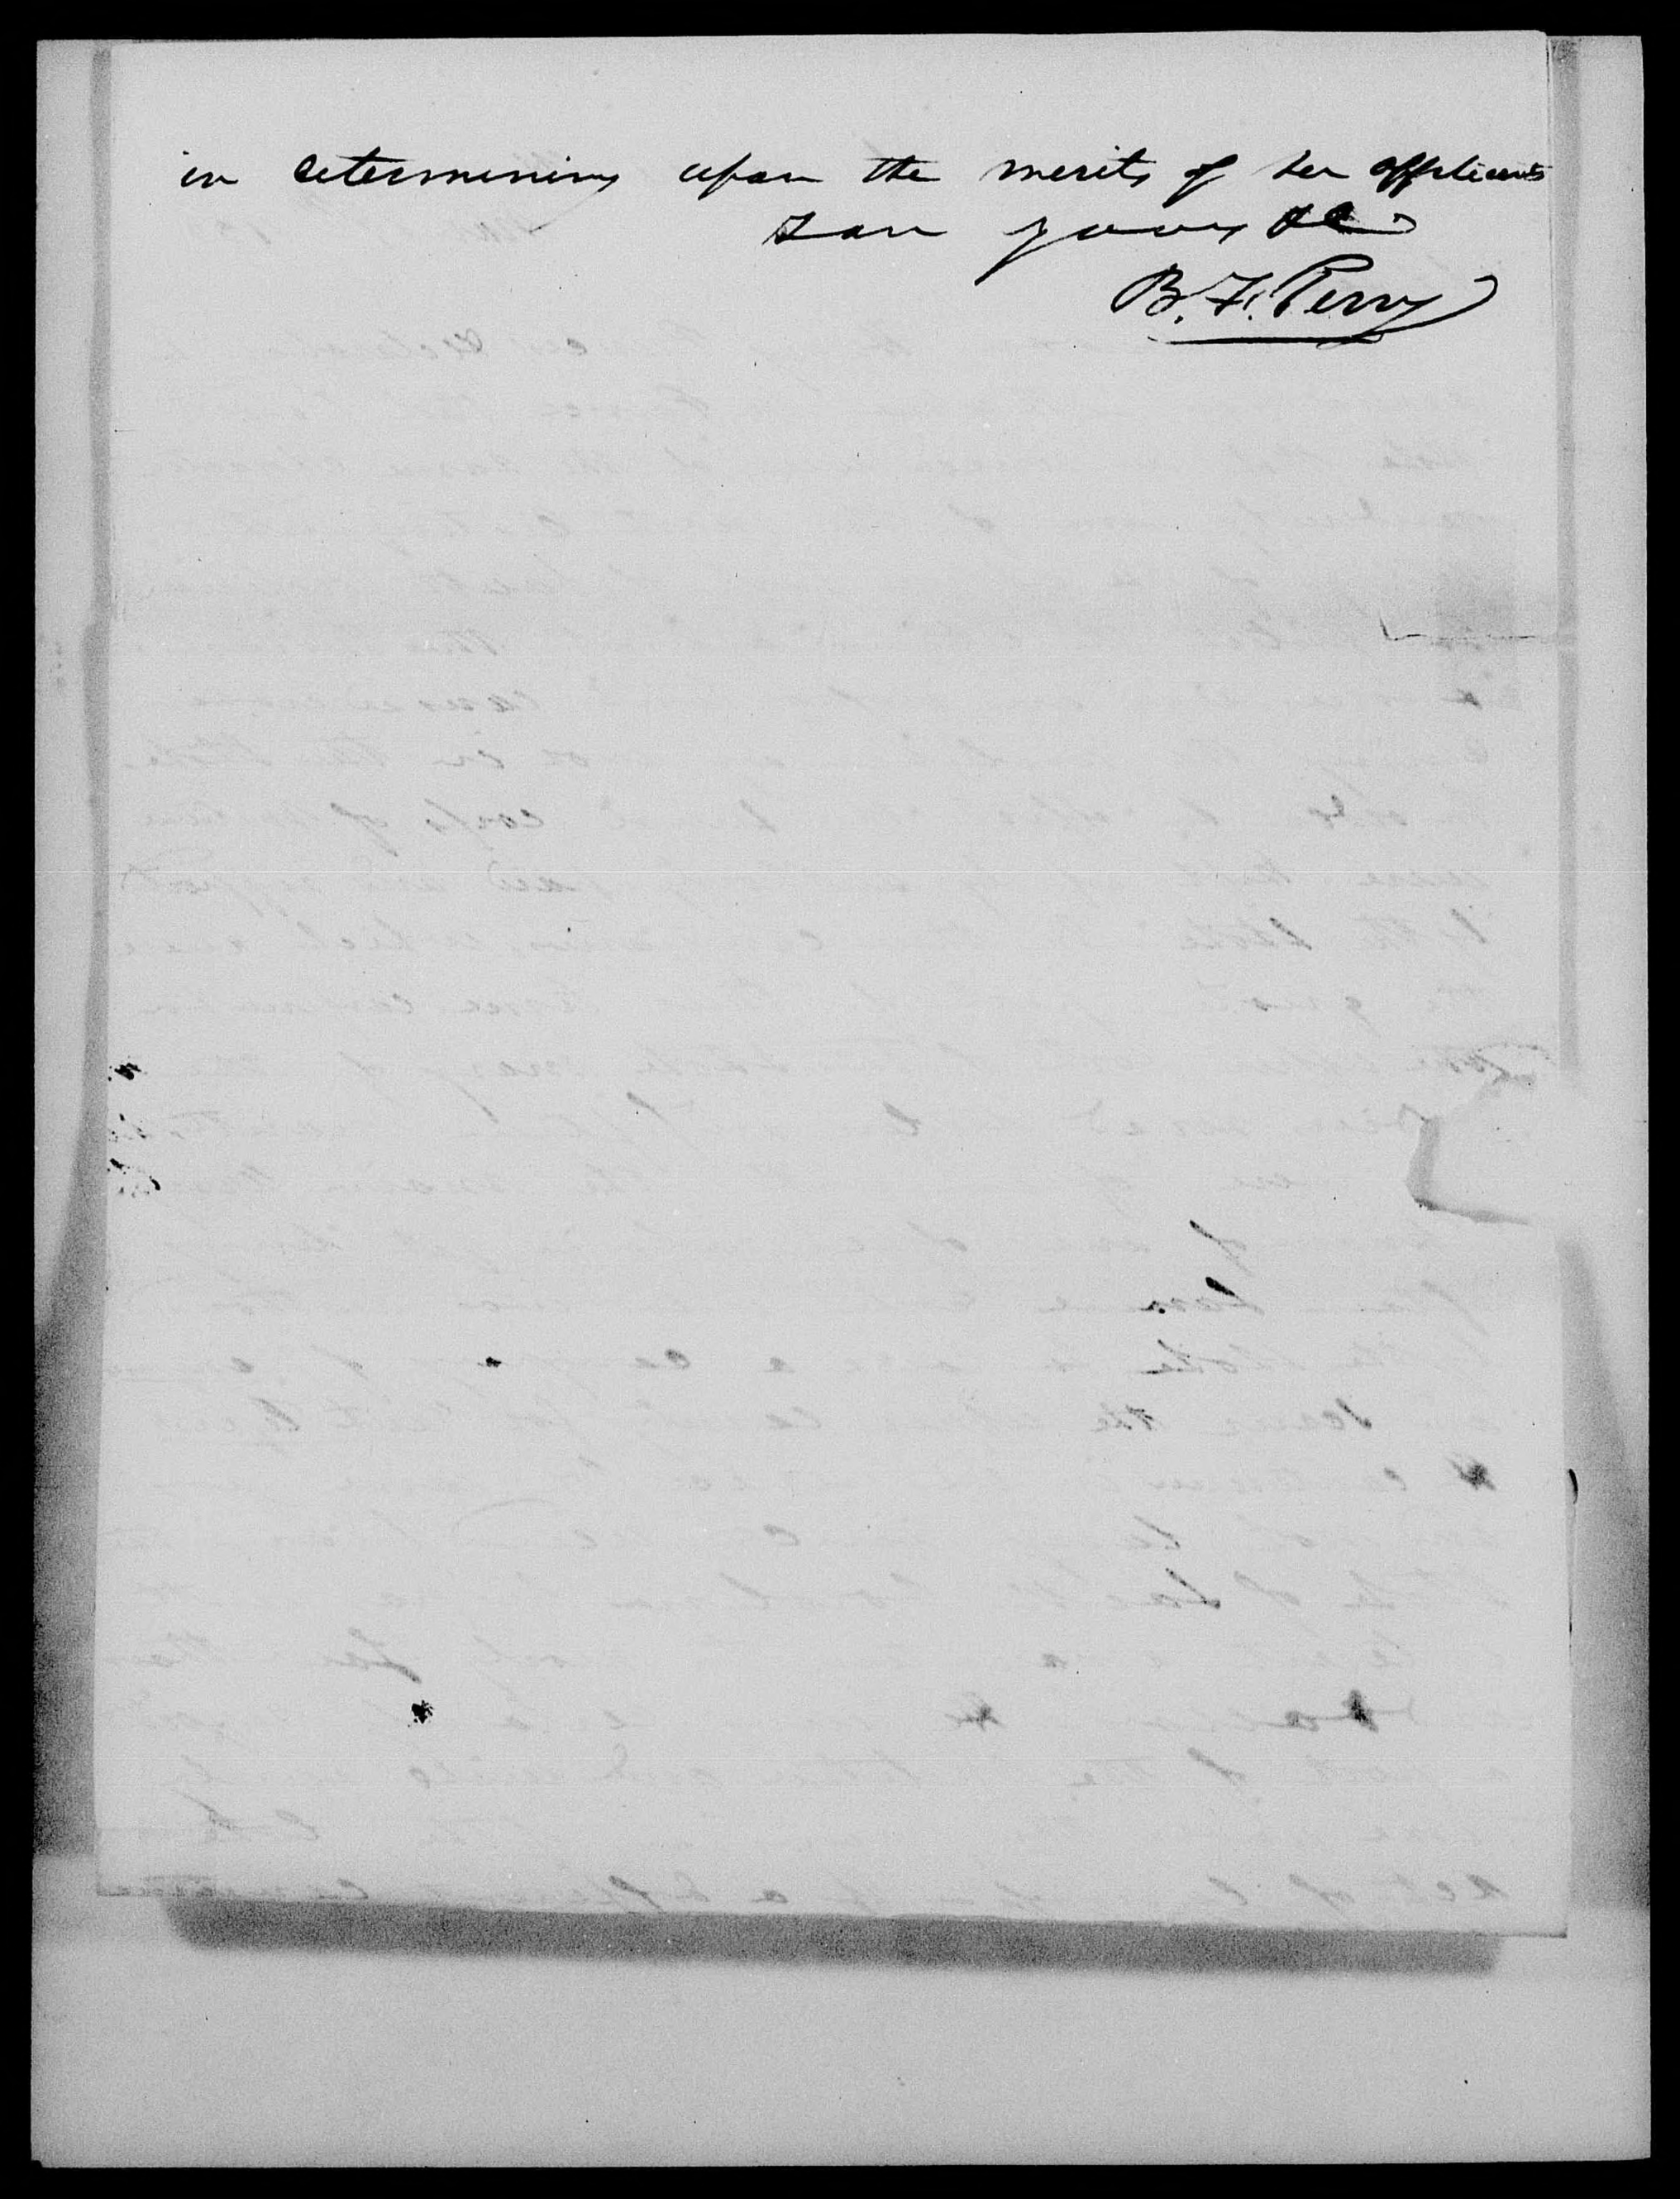in determining the merits of his applicants.  I am yours , etc. B. F. Perry ( signed )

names: B F Perry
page: 19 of 23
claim: survivor's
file: S. 18,168, for Henry Prince, South Carolina